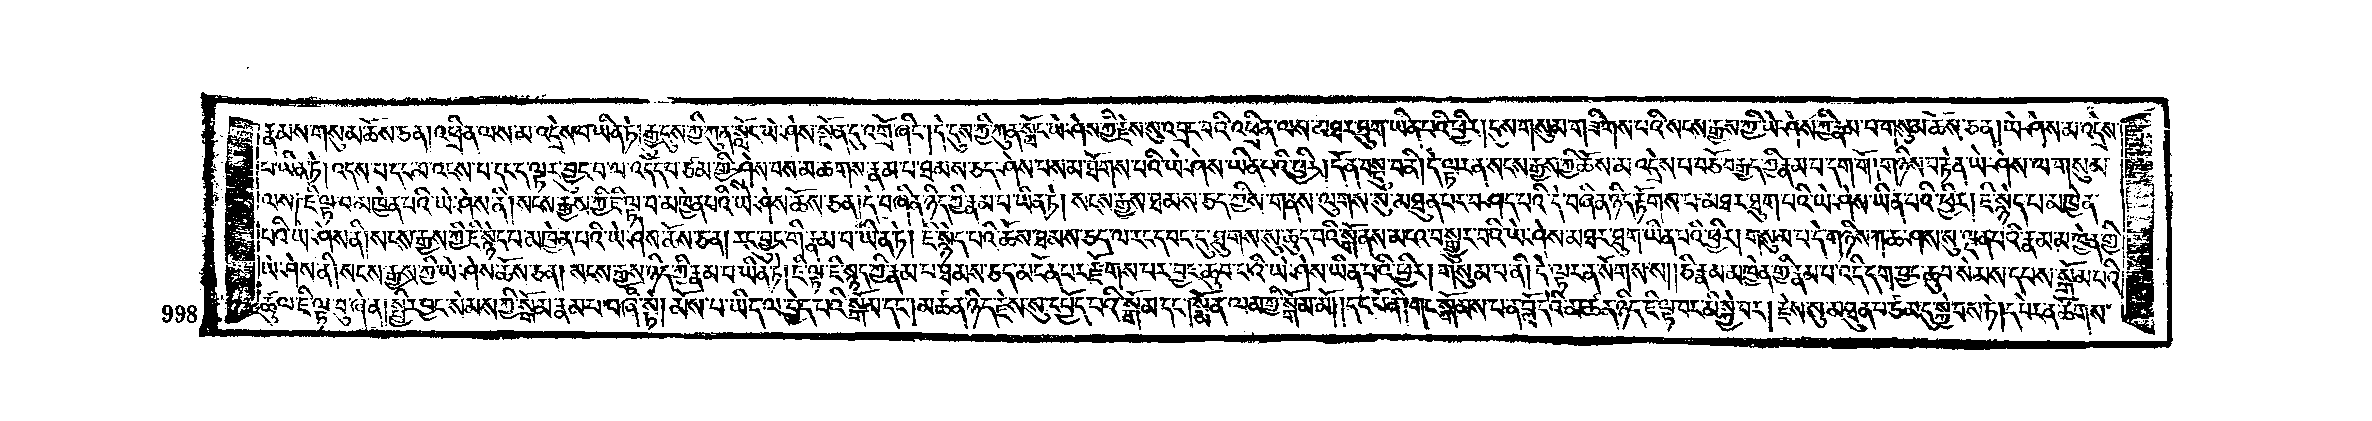རྣམས་གསུམ་ཆོས་ཅན། འཕྲིན་ལས་མ་འདྲེས་པ་ཡིན་ཏེ། རྒྱུ་དུས་ཀྱི་ཀུན་སློང་ཡེ་ཤེས་སྔོན་དུ་འགྲོ་ཞིང་། དེ་དུས་ཀྱི་ཀུན་སློང་ཡེ་ཤེས་ཀྱི་རྗེས་སུ་འབྲང་བའི་འཕྲིན་ལས་མཐར་ཐུག་ཡིན་པའི་ཕྱིར། དུས་གསུམ་གཟིགས་པའི་སངས་རྒྱས་ཀྱི་ཡེ་ཤེས་ཀྱི་རྣམ་པ་གསུམ་ཆོས་ཅན། ཡེ་ཤེས་མ་འདྲེས་
པ་ཡིན་ཏེ། འདས་པ་དང་མ་འོངས་པ་དང་ད་ལྟར་བྱུང་བ་ལ་འདོད་པ་ཙམ་གྱིས་ཤེས་པས་མ་ཆགས་རྣམ་པ་ཐམས་ཅད་ཤེས་པས་མ་ཐོགས་པའི་ཡེ་ཤེས་ཡིན་པའི་ཕྱིར། དོན་བསྡུ་བ་ནི། དེ་ལྟར་ན་སངས་རྒྱས་ཀྱི་ཆོས་མ་འདྲེས་པ་བཅོ་བརྒྱད་ཀྱི་རྣམ་པ་དག་གོ །གཉིས་པ་རྟེན་ཡེ་ཤེས་ལ་གསུམ་
ལས༑ ཇི་ལྟ་བ་མཁྱེན་པའི་ཡེ་ཤེས་ནི། སངས་རྒྱས་ཀྱི་ཇི་ལྟ་བ་མཁྱེན་པའི་ཡེ་ཤེས་ཆོས་ཅན། དེ་བཞིན་ཉིད་ཀྱི་རྣམ་པ་ཡིན་ཏེ། སངས་རྒྱས་ཐམས་ཅད་ཀྱིས་གནས་ལུགས་སུ་མཐུན་པར་བཤད་པའི་དེ་བཞིན་ཉིད་རྟོགས་པ་མཐར་ཐུག་པའི་ཡེ་ཤེས་ཡིན་པའི་ཕྱིར། ཇི་སྙེད་པ་མཁྱེན་
པའི་ཡེ་ཤེས་ནི། སངས་རྒྱས་ཀྱི་ཇི་སྙེད་པ་མཁྱེན་པའི་ཡེ་ཤེས་ཆོས་ཅན། རང་བྱུང་གི་རྣམ་པ་ཡིན་ཏེ། ཇི་སྙེད་པའི་ཆོས་ཐམས་ཅད་ལ་རང་དབང་དུ་ཐུགས་སུ་ཆུད་པའི་སྒོ་ནས་མངའ་བསྒྱུར་བའི་ཡེ་ཤེས་མཐར་ཐུག་ཡིན་པའི་ཕྱིར། གསུམ་པ་དེ་གཉིས་ཀ་ཆ་ཤས་སུ་ལྡན་པའི་རྣམ་མཁྱེན་གྱི་
ཡེ་ཤེས་ནི། སངས་རྒྱས་ཀྱི་ཡེ་ཤེས་ཆོས་ཅན། སངས་རྒྱས་ཉིད་ཀྱི་རྣམ་པ་ཡིན་ཏེ། ཇི་ལྟ་ཇི་སྙད་ཀྱི་རྣམ་པ་ཐམས་ཅད་མངོན་པར་རྫོགས་པར་བྱང་ཆུབ་པའི་ཡེ་ཤེས་ཡིན་པའི་ཕྱིར། གསུམ་པ་ནི། དེ་ལྟར་ན་སོགས་སོ། །ཅི་རྣམ་མཁྱེན་གྱི་རྣམ་པ་འདི་དག་བྱང་ཆུབ་སེམས་དཔས་སྒོམ་པའི་
ཚུལ་ཇི་ལྟ་བུ་ཞེ་ན། སྤྱིར་བྱང་སེམས་ཀྱི་སྒོམ་རྣམ་པ་བཞི་སྟེ། མོས་པ་ཡིད་ལ་བྱེད་པའི་སྒོམ་དང་། མཚན་ཉིད་རྗེས་སུ་དཔྱོད་པའི་སྒོམ་དང་། སྨོན་ལམ་གྱི་སྒོམ་མོ། །དང་པོ་ནི། གང་སྒོམས་པ་ན་བློ་དེའི་མཚན་ཉིད་ཇི་ལྟ་བར་མི་སྐྱེ་བར། རྗེས་སུ་མཐུན་པ་ཙམ་དུ་སྐྱེ་བས་ཏེ། དཔེར་ན་ཚོགས་